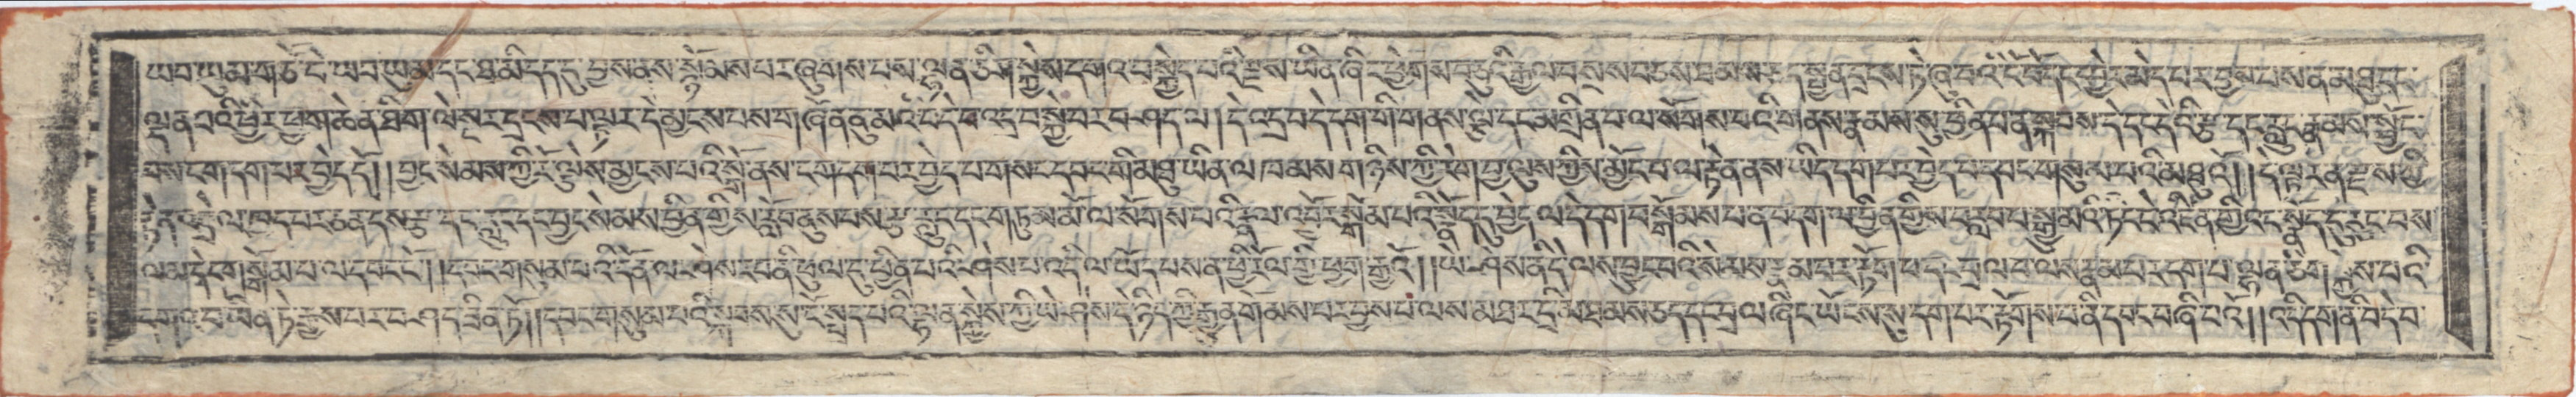ཡབ་ཡུམ་གཙོ་བོ་ཡབ་ཡུམ་དང་ཐ་མི་དད་དུ་བྱས་ནས་སྙོམས་པར་ཞུགས་པས་ལྷན་ཅིག་སྐྱེས་དགའ་བསྐྱེད་པའི་རྫས་ཡིན་ཞིང་ཕྱོགས་བཅུའི་རྒྱལ་བ་སྲས་བཅས་ཐམས་ཅད་སྤྱན་དྲངས་ཏེ་ཞུ་བའི་ངོ་བོ་དང་དབྱེར་མེད་པར་བྱས་པས་ན་མཐུ་དང་
ལྡན་པའི་ཕྱིར་ཕྱག་ཆེན་ཐིག་ལེ་སྔར་དྲངས་པ་ལྟར་དེ་མྱངས་པས་གཞོན་ནུ་མའི་བདེ་བ་འདྲ་བ་སྐྱེ་བར་བཤད་ལ། དེ་འདྲ་བ་དེ་དག་གི་གནས་ལྕེ་དང་མགྲིན་པ་ལ་སོགས་པའི་གནས་རྣམས་སུ་ཕྱིན་པ་ན་སྐབས་དེ་དང་དེའི་རྩ་དང་རླུང་རྣམས་སྦྱོང་
བས་ངག་དག་པར་བྱེད་དོ། །བྱང་སེམས་ཀྱི་རོ་ལྕེས་མྱངས་པའི་སྒོ་ནས་ངག་དག་པར་བྱེད་པ་གསང་དབང་གི་མཐུ་ཡིན་ལ་ཁམས་གཉིས་ཀྱི་རེག་བྱ་ལུས་ཀྱིས་མྱོང་བ་ལ་རྟེན་ནས་ཡིད་དག་པར་བྱེད་པ་དབང་གསུམ་པའི་མཐུའོ། །དེ་ལྟར་ན་རྫས་ཀྱི་
རྟེན་འབྲེལ་ཁྱད་པར་ཅན་དེས་རྩ་དང་རླུང་དང་བྱང་སེམས་བྱིན་གྱིས་རློབ་ནུས་པས་རྩ་རླུང་དང་གཏུམ་མོ་ལ་སོགས་པའི་རྣལ་འབྱོར་སྒོམ་པའི་སྣོད་དུ་བྱེད་ལ་དེ་དག་བསྒོམས་པ་ན་བདག་ལ་བྱིན་གྱིས་བརླབ་པ་སྒྱུ་མའི་ཏིང་ངེ་འཛིན་གྱིའང་སྣོད་དུ་རུང་བས་
ལམ་དེ་དག་སྒོམ་པ་ལ་དབང་ངོ། །དབང་གསུམ་པའི་དོན་ལ་ཤེས་རབ་ནི་ཕུལ་དུ་ཕྱིན་པའི་ཤེས་པ་འདི་ལ་ཡོད་པས་ན་ཕྱི་རོལ་གྱི་ཕྱག་རྒྱའོ། །ཡེ་ཤེས་ནི་དེ་ལས་བྱུང་བའི་སེམས་རྣམ་པར་རྟོག་པ་དང་བྲལ་བ་ལས་རྣམ་པར་དག་པ་ལྷན་ཅིག་སྐྱེས་པའི་
དགའ་བ་ཡིན་ཏེ་རྒྱས་པར་བཤད་ཟིན་ཏོ། །དབང་གསུམ་པའི་སྐབས་སུ་ངོ་སྤྲད་པའི་ལྷན་སྐྱེས་ཀྱི་ཡེ་ཤེས་དེ་ཉིད་ཀྱི་རྒྱུན་གོམས་པར་བྱས་པ་ལས་མཐར་དྲི་མ་ཐམས་ཅད་དང་བྲལ་ཞིང་ཡོངས་སུ་དག་པར་རྟོགས་པ་ནི་དབང་བཞི་པའོ། །འདི་དག་ནི་བདེ་བ་